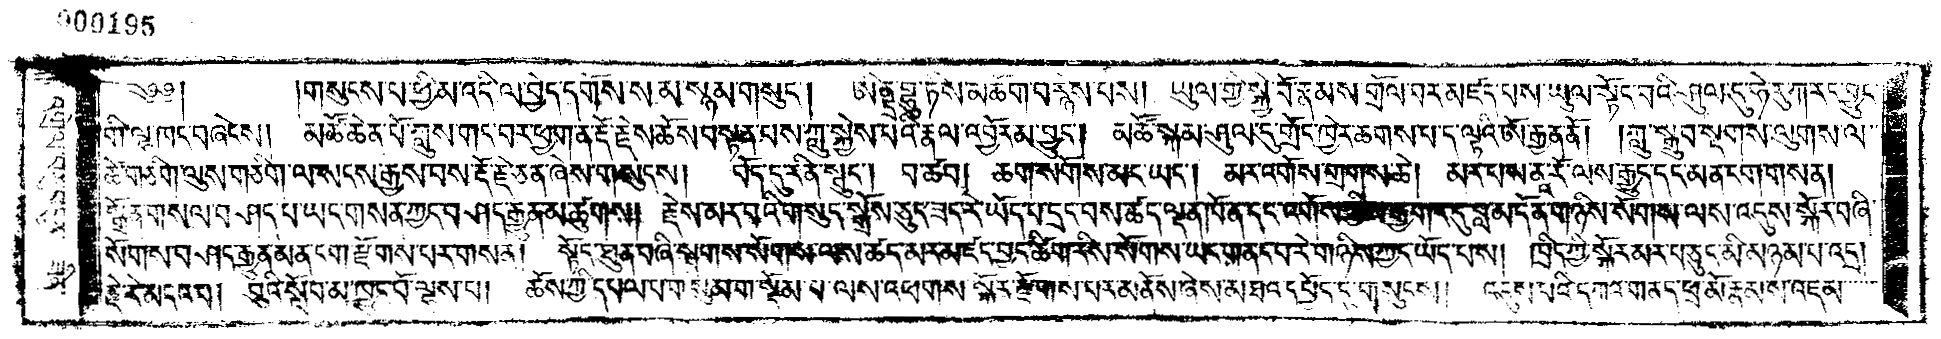༄༅། །གསུངས་པ་ཕྱི་མ་འདི་ལ་བྱེད་དགོས་སམ་སྙམ་གསུང་། ཨིནྡྲ་བྷུ་ཏིས་མཆོག་བརྙེས་པས། ཡུལ་གྱི་སྐྱེ་བོ་རྣམས་གྲོལ་བར་མཛད་པས་ཡུལ་སྟོང་པའི་ཤུལ་དུ་ཧེ་རུ་ཀ་རང་བྱུང་
གི་ལྷ་ཁང་བཞེངས། མཚོ་ཆེན་པོ་ཀླུས་གང་བར་ཕྱག་ན་རྡོ་རྗེས་ཆོས་བསྟན་པས་ཀླུ་སྐྱེས་པའི་རྣལ་འབྱོར་མ་བྱུང་། མཚོ་སྐམ་ཤུལ་དུ་གྲོང་ཁྱེར་ཆགས་པ་ད་ལྟའི་ཨོ་རྒྱན་ནོ། །ཀླུ་སྒྲུབ་སྔགས་ལུགས་ལ་
ཚེ་གཅིག་ལུས་གཅིག་ལ་སངས་རྒྱས་བས་རྡོ་རྗེ་ཅན་ཞེས་གསུངས། བོད་དུ་རིན་སྦུང་། བ་ཚབ། ཆག་སོགས་མང་ཡང་། མར་འགོས་གྲགས་ཆེ། མར་པས་ནཱ་རོ་ལས་རྒྱུད་དང་མན་ངག་གསན།
སྒྲོན་གསལ་བཤད་པ་ཡང་གསན་ཀྱང་བཤད་རྒྱུན་མ་ཚུགས། རྗེས་མར་བའི་གསུང་སྒྲོས་ཅུང་ཟད་རེ་ཡོད་པ་དྲང་བས་ཚད་ལྡན་ཁོ་ན་དང་དགོས་ཀྱིས་རྒྱ་གར་དུ་བླ་མ་དོན་གཉིས་སོགས་ལས་འདུས་སྐོར་བཞི་
སོགས་བཤད་རྒྱུན་མན་ངག་རྫོགས་པར་གསན། སྟོང་ཐུན་བཞི་སྦྲགས་སོགས་ལས་ཚད་མར་མཛད་བྱང་ཚིག་རིས་སོགས་ཡང་གནང་བ་རེ་གཉིས་ཀྱང་ཡོད་པས། ཁྲིད་ཀྱི་སྐོར་མར་པ་ཅུང་མི་མཉམ་པ་འདྲ།
རྗེ་རེ་མདའ་པ། བུའི་སློབ་མ་ཁྱུང་པོ་ལྷས་པ། ཆོས་ཀྱི་དཔལ་པ་གསུམ་ག་སྡོམ་པ་ལས་འཕགས་སྐོར་རྫོགས་པར་མནོས་ཞེས་མཐའ་དཔྱོད་དུ་གསུངས། འདུས་པའི་དཀའ་གནད་ཕྲ་མོ་རྣམས་འཇམ་